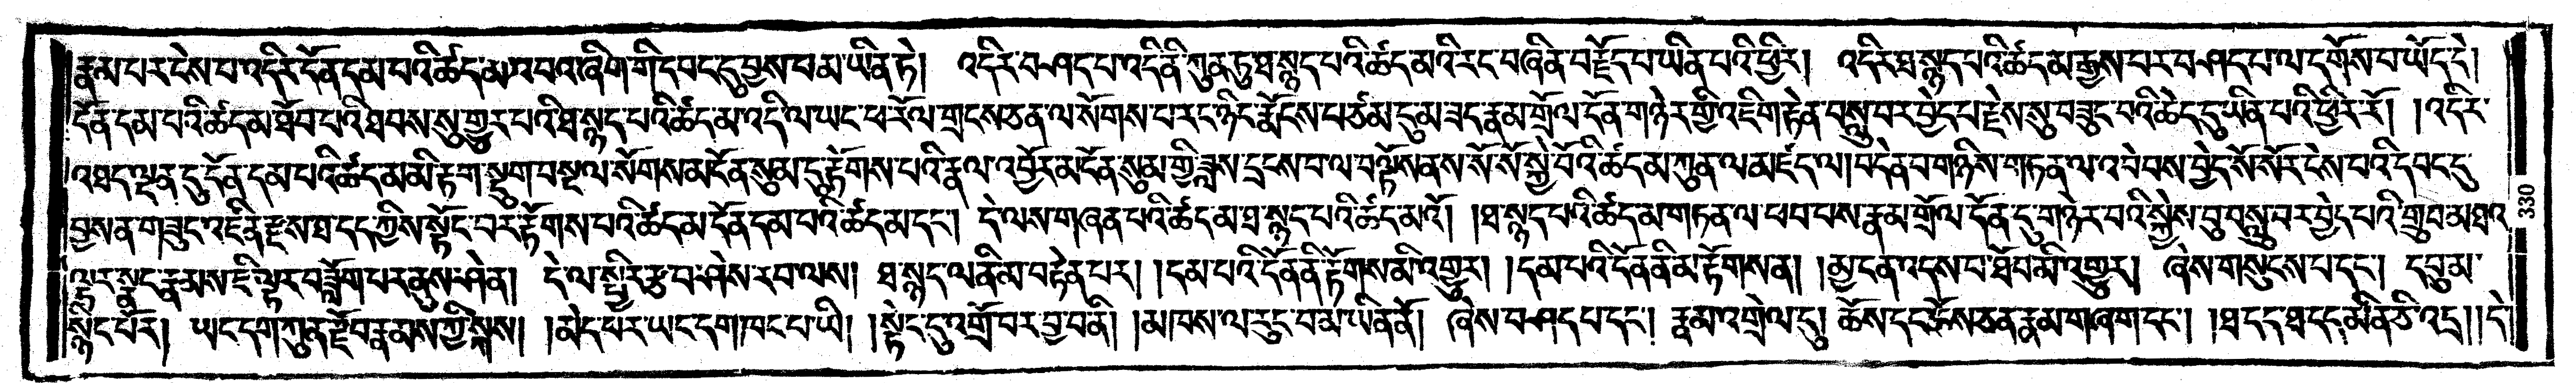རྣམ་པར་ངེས་པ་འདིར་དོན་དམ་པའི་ཚད་མ་འབའ་ཞིག་གི་དབང་དུ་བྱས་པ་མ་ཡིན་ཏེ། འདིར་བཤད་པ་འདི་ནི་ཀུན་ཏུ་ཐ་སྙད་པའི་ཚད་མའི་རང་བཞིན་བརྗོད་པ་ཡིན་པའི་ཕྱིར། འདིར་ཐ་སྙད་པའི་ཚད་མ་རྒྱས་པར་བཤད་པ་ལ་དགོས་པ་ཡོད་དེ།
དོན་དམ་པའི་ཚད་མ་ཐོབ་པའི་ཐབས་སུ་གྱུར་པའི་ཐ་སྙད་པའི་ཚད་མ་འདི་ལ་ཡང་ཕ་རོལ་གྲངས་ཅན་ལ་སོགས་པ་རང་ཉིད་རྨོངས་པ་ཙམ་དུ་མ་ཟད་རྣམ་གྲོལ་དོན་གཉེར་གྱི་འཇིག་རྟེན་བསླུ་བར་བྱེད་པ་རྗེས་སུ་བཟུང་བའི་ཆེད་དུ་ཡིན་པའི་ཕྱིར་རོ། །འདིར་
འཐད་ལྡན་དུ་དོན་དམ་པའི་ཚད་མ་མི་རྟག་སྡུག་བསྔལ་སོགས་མངོན་སུམ་དུ་རྟོགས་པའི་རྣལ་འབྱོར་མངོན་སུམ་གྱི་ཟླས་དྲངས་པ་ལ་བལྟོས་ནས་སོ་སོ་སྐྱེ་བོའི་ཚད་མ་ཀུན་ལ་མཛད་ལ། བདེན་པ་གཉིས་གཏན་ལ་འབེབས་བྱེད་སོ་སོར་ངེས་པའི་དབང་དུ་
བྱས་ན་གཟུང་འཛིན་རྫས་ཐ་དད་ཀྱིས་སྟོང་བར་རྟོགས་པའི་ཚད་མ་དོན་དམ་པའི་ཚད་མ་དང་། དེ་ལས་གཞན་པའི་ཚད་མ་ཐ་སྙད་པའི་ཚད་མའོ། །ཐ་སྙད་པའི་ཚད་མ་གཏན་ལ་ཕབ་པས་རྣམ་གྲོལ་དོན་དུ་གཉེར་བའི་སྐྱེས་བུ་བསླུ་བར་བྱེད་པའི་གྲུབ་མཐའ་
ལྟར་སྣང་རྣམས་ཇི་ལྟར་བཟློག་པར་ནུས་ཤེ་ན། དེ་ལ་སྤྱིར་རྩ་བ་ཤེས་རབ་ལས། ཐ་སྙད་ལ་ནི་མ་བརྟེན་པར། །དམ་པའི་དོན་ནི་རྟོགས་མི་འགྱུར། །དམ་པའི་དོན་ནི་མ་རྟོགས་ན། །མྱ་ངན་འདས་པ་ཐོབ་མི་འགྱུར། ཞེས་གསུངས་པ་དང་། དབུ་མ་
སྙིང་པོར། ཡང་དག་ཀུན་རྫོབ་རྣམས་ཀྱི་སྐས། །མེད་པར་ཡང་དག་ཁང་པ་ཡི། །སྟེང་དུ་འགྲོ་བར་བྱ་བ་ནི། །མཁས་ལ་རུང་བ་མ་ཡིན་ནོ། ཞེས་བཤད་པ་དང་། རྣམ་འགྲེལ་དུ། ཆོས་དང་ཆོས་ཅན་རྣམ་གཞག་དང་། །ཐ་དད་ཐ་དད་མིན་ཅི་འདྲ། །དེ་